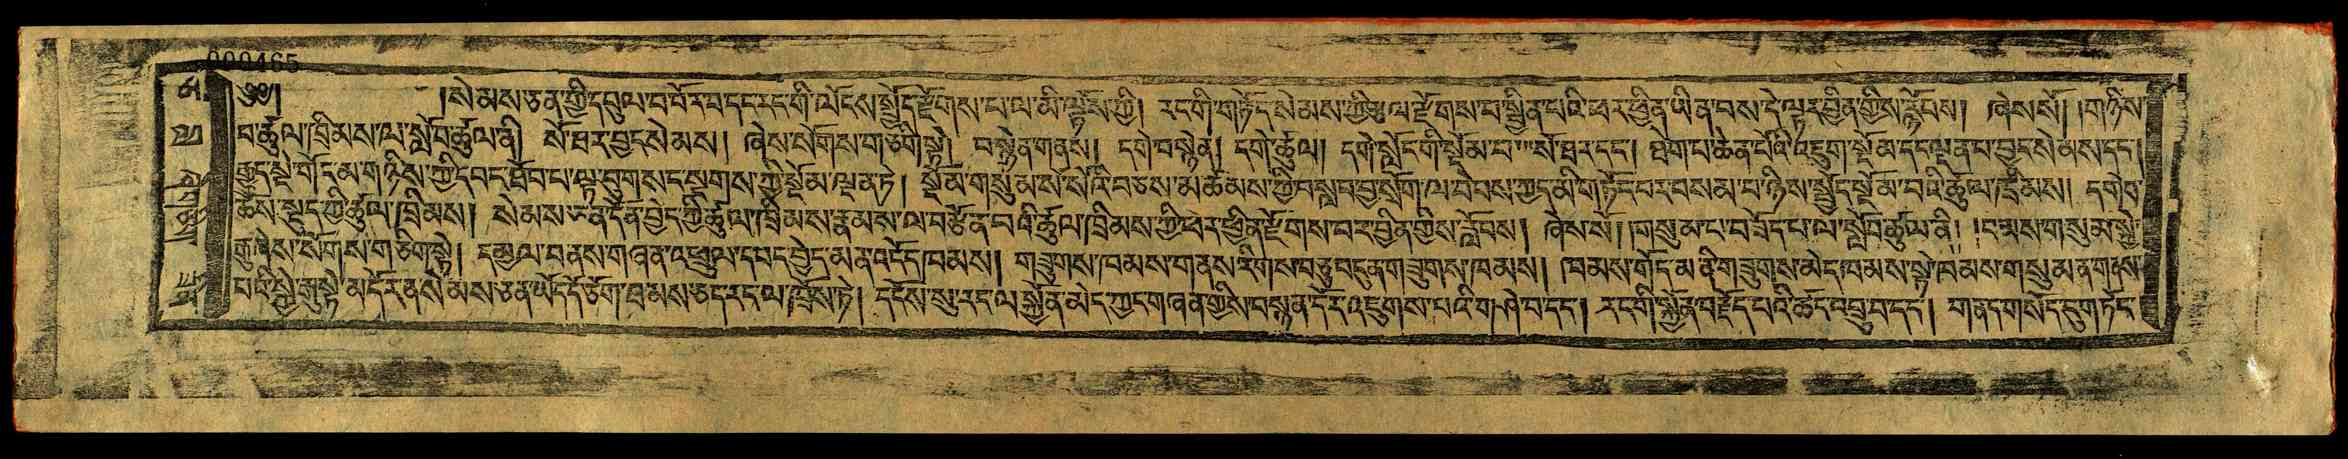༄༅། །སེམས་ཅན་གྱི་དབུལ་བ་བོར་བ་དང་རང་གི་ལོངས་སྤྱོད་རྫོགས་པ་ལ་མི་ལྟོས་ཀྱི། རང་གི་གཏོང་སེམས་ཀྱི་རྩལ་རྫོགས་པ་སྦྱིན་པའི་ཕར་ཕྱིན་ཡིན་པས་དེ་ལྟར་བྱིན་གྱིས་རློབས། ཞེས་སོ། །གཉིས་
པ་ཚུལ་ཁྲིམས་ལ་སློབ་ཚུལ་ནི། སོ་ཐར་བྱང་སེམས། ཞེས་སོགས་གཅིག་སྟེ། བསྙེན་གནས། དགེ་བསྙེན། དགེ་ཚུལ། དགེ་སློང་གི་སྡོམ་པ་སོ་ཐར་དང་། ཐེག་པ་ཆེན་པོའི་འཇུག་སྡོམ་དང་ལྡན་པ་བྱང་སེམས་དང་།
རྒྱུད་སྡེ་གོང་མ་གཉིས་ཀྱི་དབང་ཐོབ་པ་ལྟ་བུ་གསང་སྔགས་ཀྱི་སྡོམ་ལྡན་ཏེ། སྡོམ་གསུམ་སོ་སོའི་བཅས་མཚམས་ཀྱི་བསླབ་བྱ་སྲོག་ལ་བབས་ཀྱང་མི་གཏོང་བར་བསམ་པ་ཉེས་སྤྱོད་སྡོམ་པའི་ཚུལ་ཁྲིམས། དགེ་བ་
ཆོས་སྡུད་ཀྱི་ཚུལ་ཁྲིམས། སེམས་ཅན་དོན་བྱེད་ཀྱི་ཚུལ་ཁྲིམས་རྣམས་ལ་བརྩོན་པའི་ཚུལ་ཁྲིམས་ཀྱི་ཕར་ཕྱིན་རྫོགས་པར་བྱིན་གྱིས་རློབས། ཞེས་སོ། །གསུམ་པ་བཟོད་པ་ལ་སློབ་ཚུལ་ནི། ཁམས་གསུམ་སྐྱེ་
རྒུ་ཞེས་སོགས་གཅིག་སྟེ། དམྱལ་བ་ནས་གཞན་འཕྲུལ་དབང་བྱེད་མན་འདོད་ཁམས། གཟུགས་ཁམས་གནས་རིགས་བཅུ་བདུན་གཟུགས་ཁམས། ཁམས་གོང་མ་ནི་གཟུགས་མེད་ཁམས་སྟེ་ཁམས་གསུམ་ན་གནས་
པའི་སྐྱེ་རྒུ་སྟེ་མདོར་ན་སེམས་ཅན་ཡོད་དོ་ཅོག་ཐམས་ཅད་རང་ལ་ཁྲོས་ཏེ། དངོས་སུ་རང་ལ་སྐྱོན་མེད་ཀྱང་གཞན་གྱིས་བསྙོན་དོར་འཛུགས་པའི་གཤེ་བ་དང་། རང་གི་སྐྱོན་བརྗོད་པའི་ཚད་འབྲུ་བ་དང་། གནད་གསོད་དུ་གཏོང་